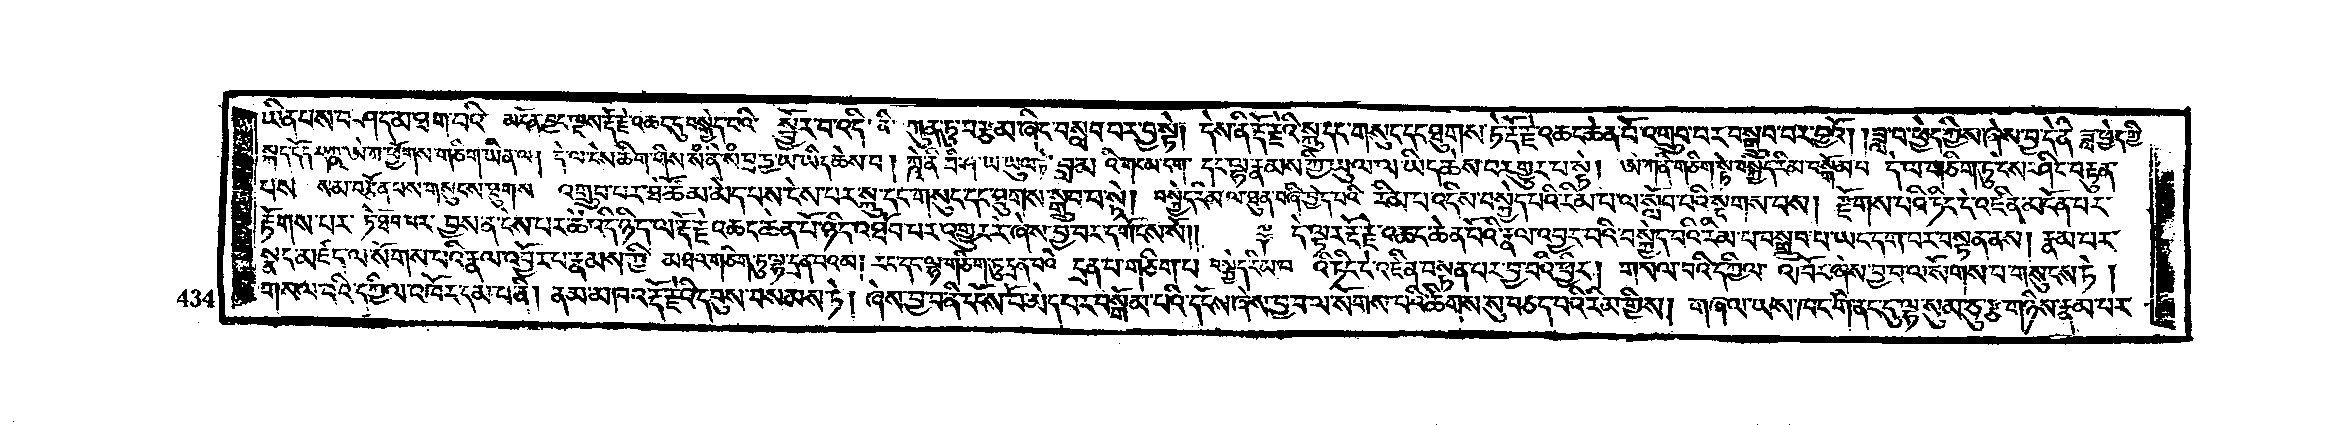ཡིན་པས་བཤད་མ་ཐག་པའི་མངོན་བྱང་ལྔས་རྡོ་རྗེ་འཆང་དུ་བསྐྱེད་པའི་སྦྱོར་བ་འདི་ནི་ཀུན་ཏུ་བརྩམ་ཞིང་བསླབ་པར་བྱ་སྟེ། དེས་ནི་རྡོ་རྗེའི་སྐུ་དང་གསུང་དང་ཐུགས་ཏེ་རྡོ་རྗེ་འཆང་ཆེན་པོ་འགྲུབ་པར་བསྒྲུབ་པར་བྱའོ། །ཟླ་བ་ཕྱེད་ཀྱིས་ཞེས་བྱ་དེ་ནི་ཟླ་ཕྱེད་གྱི་
སྐད་དོད་པཀྵ་ཨེ་ཀ་ཕྱོགས་གཅིག་ཡིན་ལ། དེ་ལ་ངེས་ཚིག་གིས་སཾ་ནི་སཾ་པྲ་དྱ་ཡ་ཡིད་ཆེས་པ། ཀྵེ་ནི་བི་ཤ་ཡ་ཡུལ་ཏེ་བླ་མའི་གདམ་ངག་དང་ལྷ་རྣམས་ཀྱི་ཡུལ་ལ་ཡིད་ཆེས་པར་གྱུར་པ་སྟེ། ཨེ་ཀ་ནི་གཅིག་སྟེ་བསྐྱེད་རིམ་བསྒོམ་པ་དེ་ལ་གཅིག་ཏུ་ངེས་ཤིང་བརྟུན་
པས་སམ་བརྩོན་པས་གསུངས་ཐུགས་འགྲུབ་པར་ཐེ་ཚོམ་མེད་པས་ངེས་པར་སྐུ་དང་གསུང་དང་ཐུགས་སྒྲུབ་པ་སྟེ། བསྐྱེད་རིམ་ལ་ཐུན་བཞི་བྱེད་པའི་རིམ་པ་འདིས་བསྐྱེད་པའི་རིམ་པ་ལ་སློབ་པའི་སྔགས་པས། རྫོགས་པའི་ཏིང་ངེ་འཛིན་མངོན་པར་
རྟོགས་པར་ཏེ་ཐོབ་པར་བྱས་ན་ངེས་པར་ཚེ་འདི་ཉིད་ལ་རྡོ་རྗེ་འཆང་ཆེན་པོ་ཉིད་འཐོབ་པར་འགྱུར་རོ་ཞེས་བྱ་བར་དགོངས་སོ།། ༈ དེ་ལྟར་རྡོ་རྗེ་འཆང་ཆེན་པོའི་རྣལ་འབྱོར་བའི་བསྐྱེད་པའི་རིམ་པ་བསྒྲུབ་པ་ཡང་དག་པར་བསྟན་ནས། རྣམ་པར་
སྣང་མཛད་ལ་སོགས་པའི་རྣལ་འབྱོར་པ་རྣམས་ཀྱི་མཐའ་གཅིག་ཏུ་ལྷ་དྲན་པའམ། རང་དང་ལྷ་གཅིག་ཏུ་དྲན་པའི་དྲན་པ་གཅིག་པ་བསྐྱེད་རིམ་པའི་ཏིང་ངེ་འཛིན་བསྟན་པར་བྱ་བའི་ཕྱིར། གསལ་བའི་དཀྱིལ་འཁོར་ཞེས་བྱ་བ་ལ་སོགས་པ་གསུངས་ཏེ།
གསལ་བའི་དཀྱིལ་འཁོར་དམ་པ་ནི། ནམ་མཁའ་རྡོ་རྗེའི་དབུས་བསམས་ཏེ། ཞེས་བྱ་བ་ནི་དངོས་པོ་མེད་པར་བསྒོམ་པའི་དངོས་ཞེས་བྱ་བ་ལ་སོགས་པའི་ཚིགས་སུ་བཅད་པའི་རིམ་གྱིས། གཞལ་ཡས་ཁང་གི་ནང་དུ་ལྷ་སུམ་ཅུ་རྩ་གཉིས་རྣམ་པར་